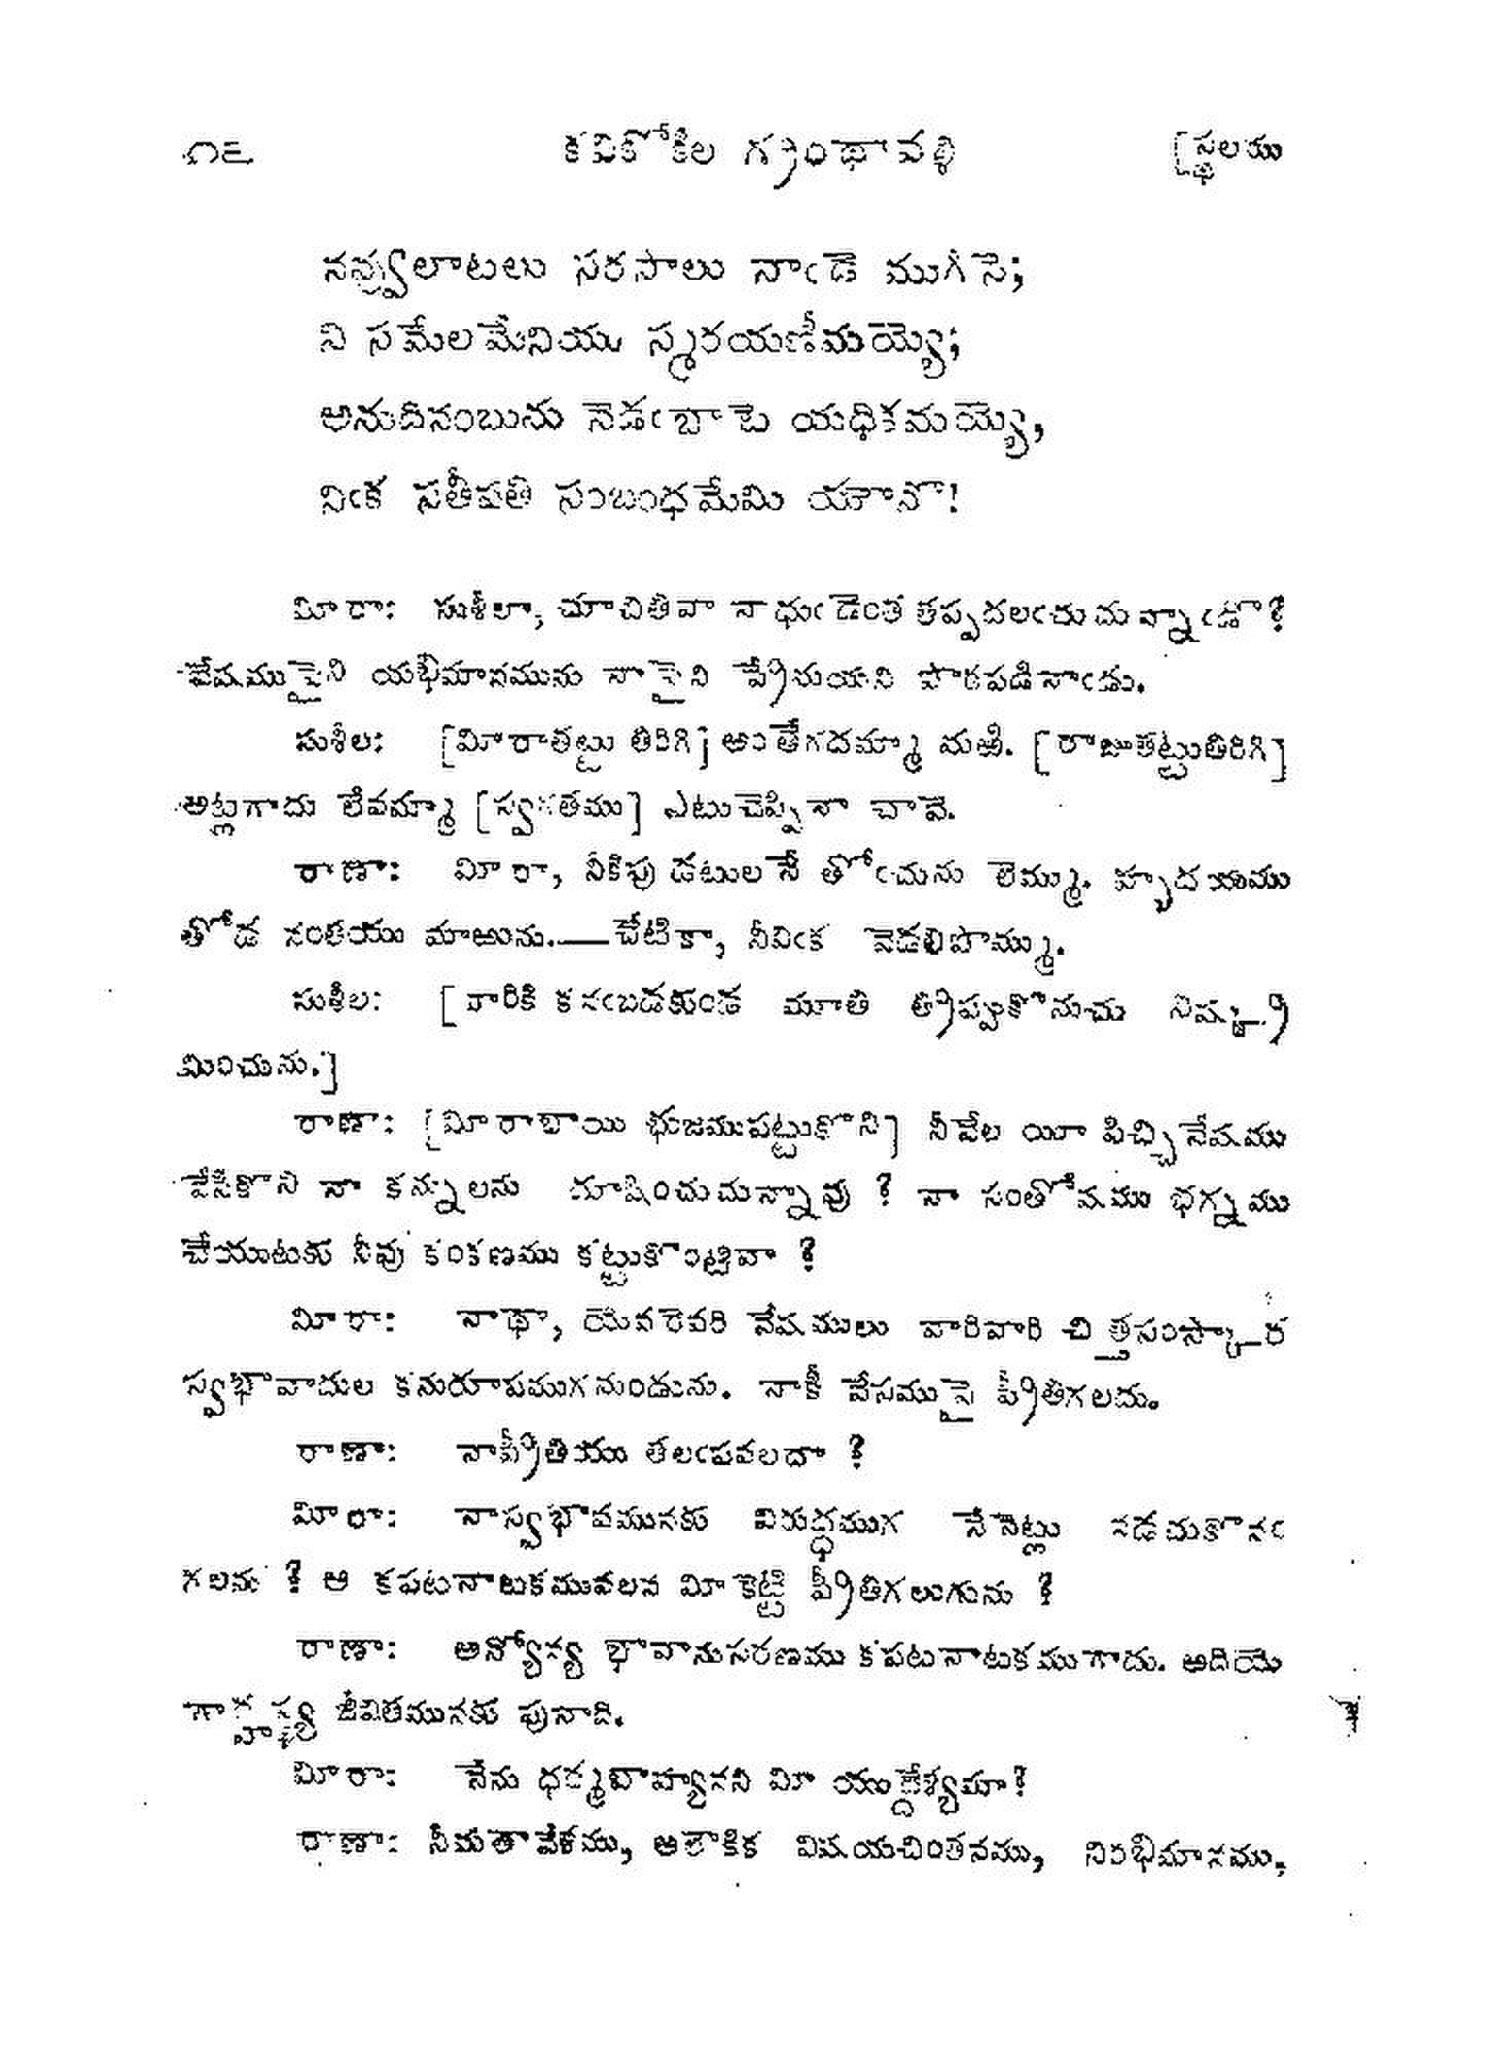నవ్వులాటలు సరసాలు నాఁడె ముగిసె;
 నీ సమేలమేనియు స్మరయణీమయ్యె;
 అనుదినంబును నెడఁబాటె యధికమయ్యె,
 నిఁక సతీపతి సంబంధమేమి యౌనొ!

మీరా : సుశీలా, చూచితివా నాధుఁడెంత తప్పదలఁచుచున్నాఁడొ? వేషముపైని యభిమానమును నాపైని ప్రేమయని పొరపడినాఁడు.

సుశీల : [మీరాతట్టు తిరిగి] అంతేగదమ్మా మఱి. [రాజుతట్టుతిరిగి] అట్లుగాదు లేవమ్మా [స్వగతము] ఎటుచెప్పినా చావె.

రాణా : మీరా, నీకిపు డటులనే తోఁచును లెమ్ము. హృదయముతోడ నంతయు మాఱును. - చేటికా, నీవిఁక వెడలిపొమ్ము.

సుశీల : [వారికి కనఁబడకుండ మూతి త్రిప్పుకొనుచు నిష్క్రమించును.]

రాణా : [మీరాబాయి భుజముపట్టుకొని] నీవేల యీ పిచ్చి వేషము వేసికొని నా కన్నులను దూషించుచున్నావు ? నా సంతోషము భగ్నము చేయుటకు నీవు కంకణము కట్టుకొంటివా ?

మీరా : నాథా, యెవరెవరి వేషములు వారివారి చిత్తసంస్కార స్వభావాదుల కనురూపముగ నుండును. నాకీ వేసముపై ప్రీతిగలదు.

రాణా : నాప్రీతియు తలఁపవలదా ?

మీరా : నాస్వభావమునకు విరుద్ధముగ నేనెట్లు నడచుకొనఁ గలను ? ఆ కపటనాటకుమువలన మీకెట్టి ప్రీతిగలుగును ?

రాణా : అన్యోన్య భావానుసరణము కపటనాటకముగాదు. అదియె గార్హస్థ్య జీవితమునకు పునాది.

మీరా : నేను ధర్మబాహ్యనని మీ యుద్దేశమా ?

రాణా : నీమతావేశము, అలౌకిక విషయచింతనము, నిరభిమానము,